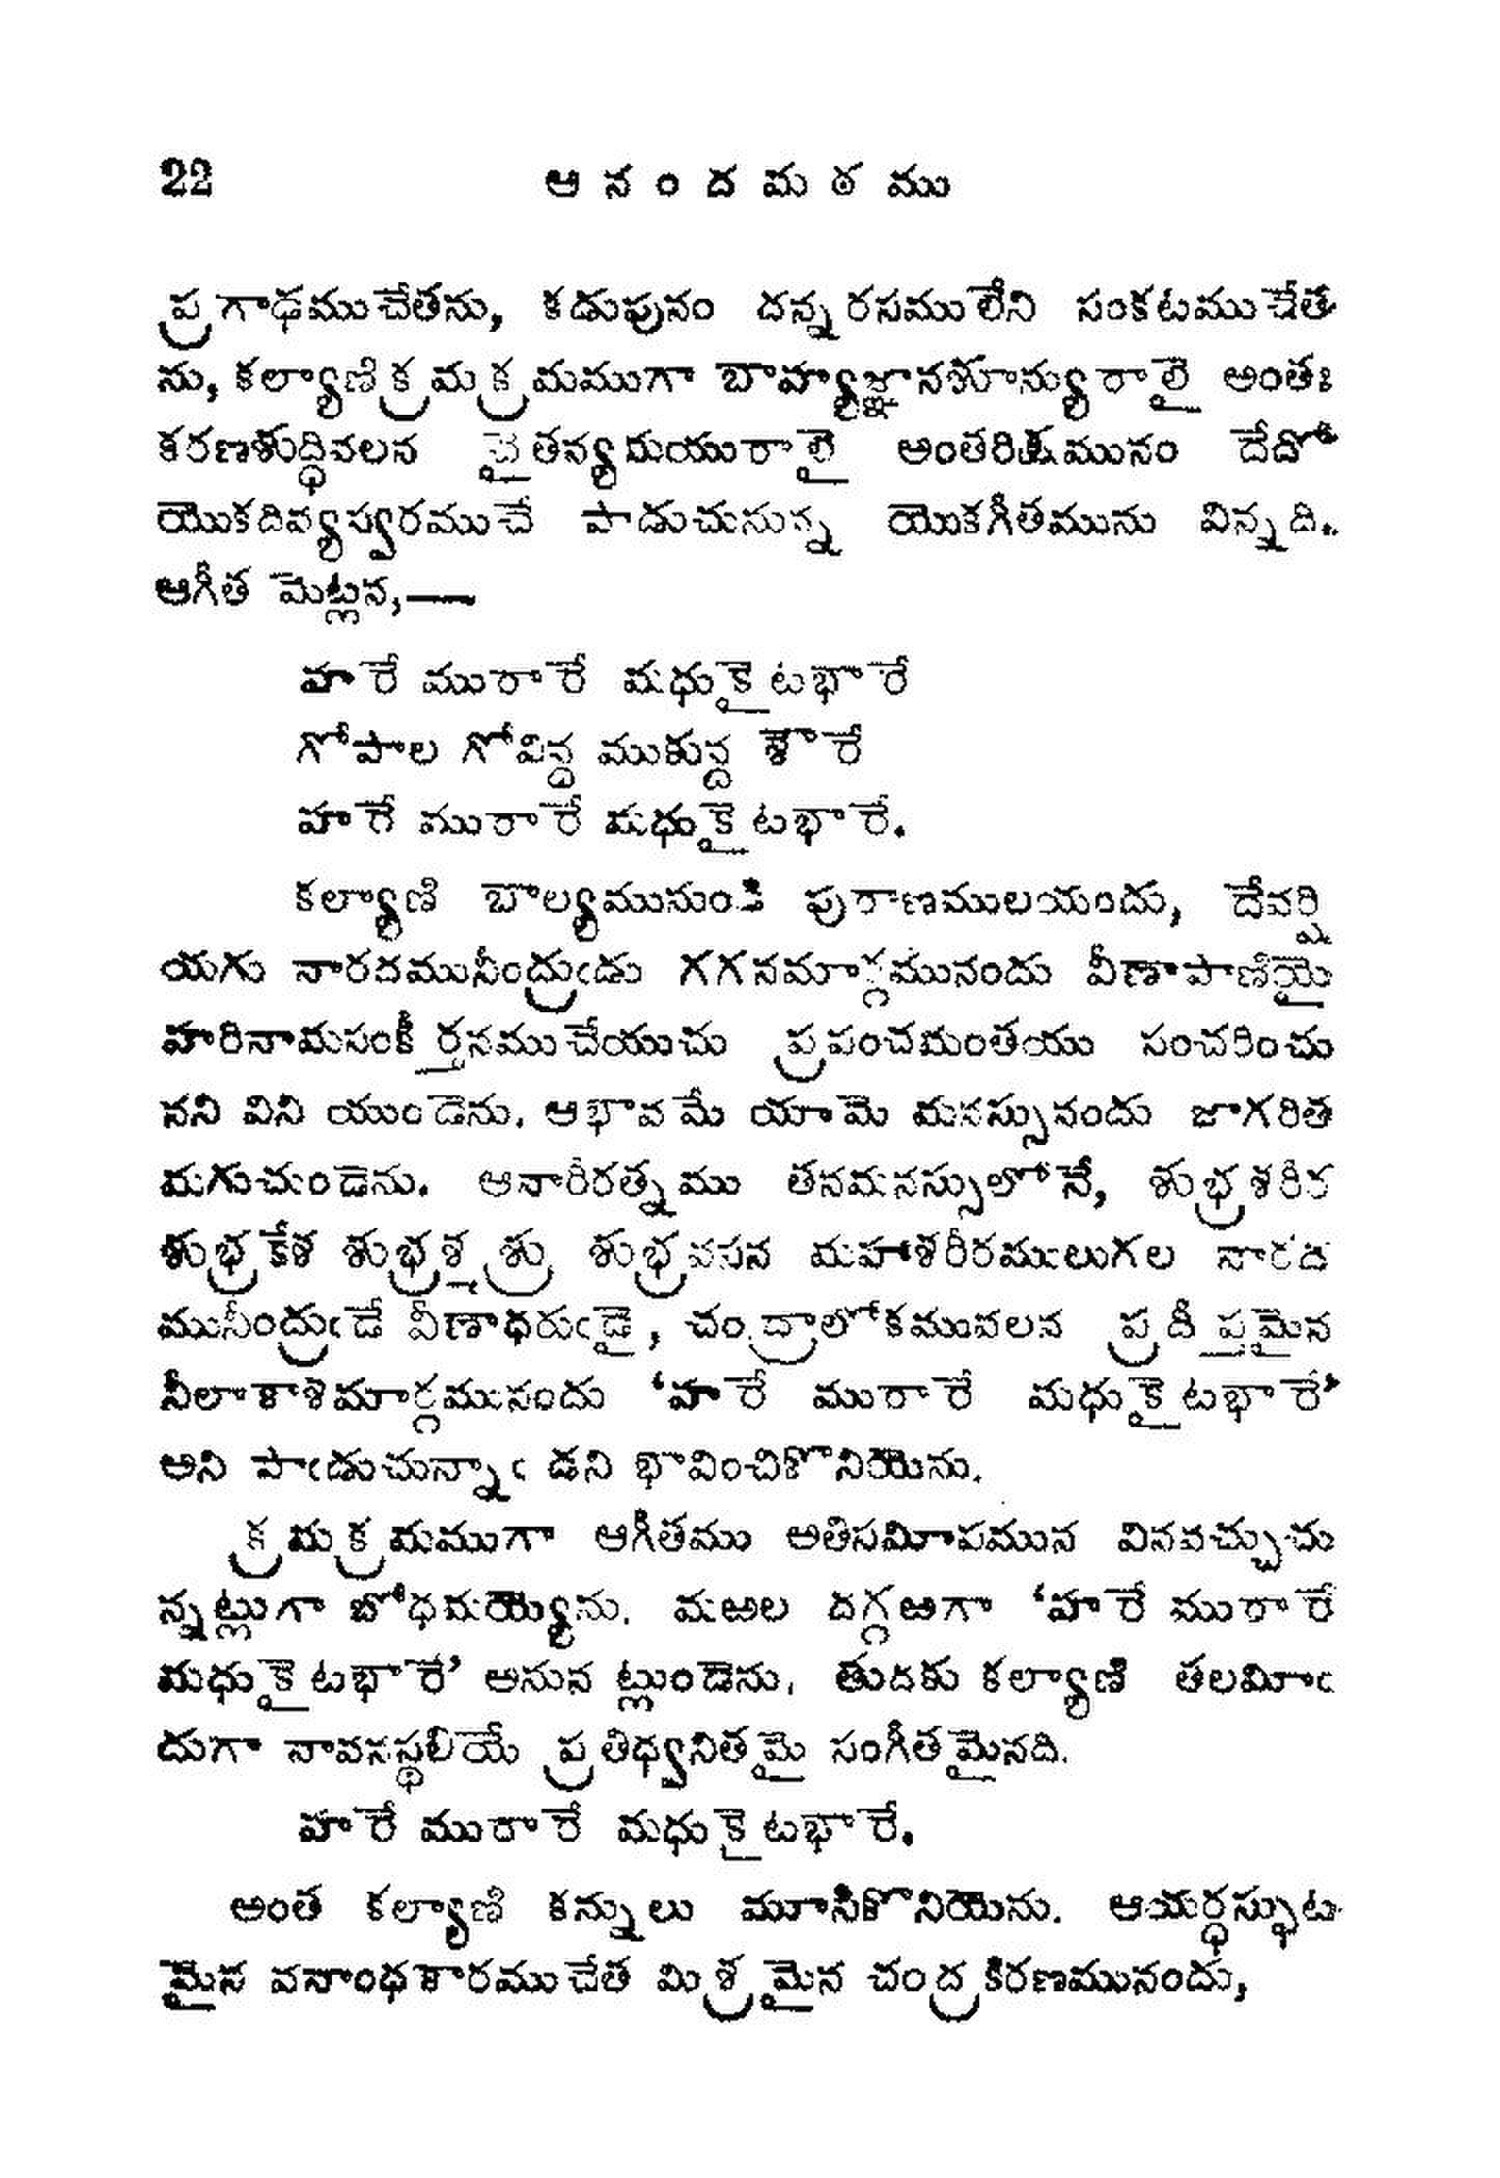ప్రగాఢము చేతను, కడుపునం దన్న రసము లేని సంకటము చేతను, కల్యాణిక్రమక్రమముగా బాహ్యజ్ఞానశూన్యురాలై అంతఃకరణశుద్ధివలన చైతన్య ముయురాలై అంతరిక్షమునం దేదో యొక దివ్యస్వరముచే పాడుచునున్న యొక గీతమును విన్నది. ఆగీత మెట్లన,——

హరే మురారే మధుకైటభారే
గోపాల గోవిన్ద ముకున్ద శౌరే
హరే మురారే మధు కైటభారే.

కల్యాణి బాల్యమునుండి పురాణములయందు, దేవర్షి యగు నారదమునీంద్రుఁడు గగనమార్గమునందు వీణాపాణియై హరినామసంకీర్తనము చేయుచు ప్రపంచమంతయు సంచరించు నని విని యుండెను. ఆ భావమే యామె మనస్సునందు జాగరిత మగుచుండెను. ఆనారీరత్నము తనమనస్సులోనే, శుభ్ర శరీర శుభ్ర కేశ శుభ్రశ్య శ్రు శుభ్రవసన మహాశరీరములుగల నారద మునీంద్రుఁడే వీణాధరుఁడై, చంద్రాలోకమువలన ప్రదీప్తమైన నీలాకాశ మార్గమునందు 'హరే మురారే మధు కైటభారే ' అని పాఁడుచున్నాఁ డని భావించి కొనియెను.

క్రమక్రమముగా ఆగీతము అతిసమీపమున వినవచ్చుచున్నట్లుగా బోధమయ్యెను. మఱల దగ్గరగా 'హరే మురారే మధు కైటభారే' అను నట్లుండెను. తుదకు కల్యాణి తలమీఁదుగా నావనస్థలియే ప్రతిధ్వనితమై సంగీతమైనది.

హరే మురారే మధు కైటభారే.

అంత కల్యాణీ కన్నులు మూసికొనియెను. ఆయర్ధస్ఫుటమైన వనాంధకారముచేత మిశ్రమైన చంద్ర కిరణమునందు,